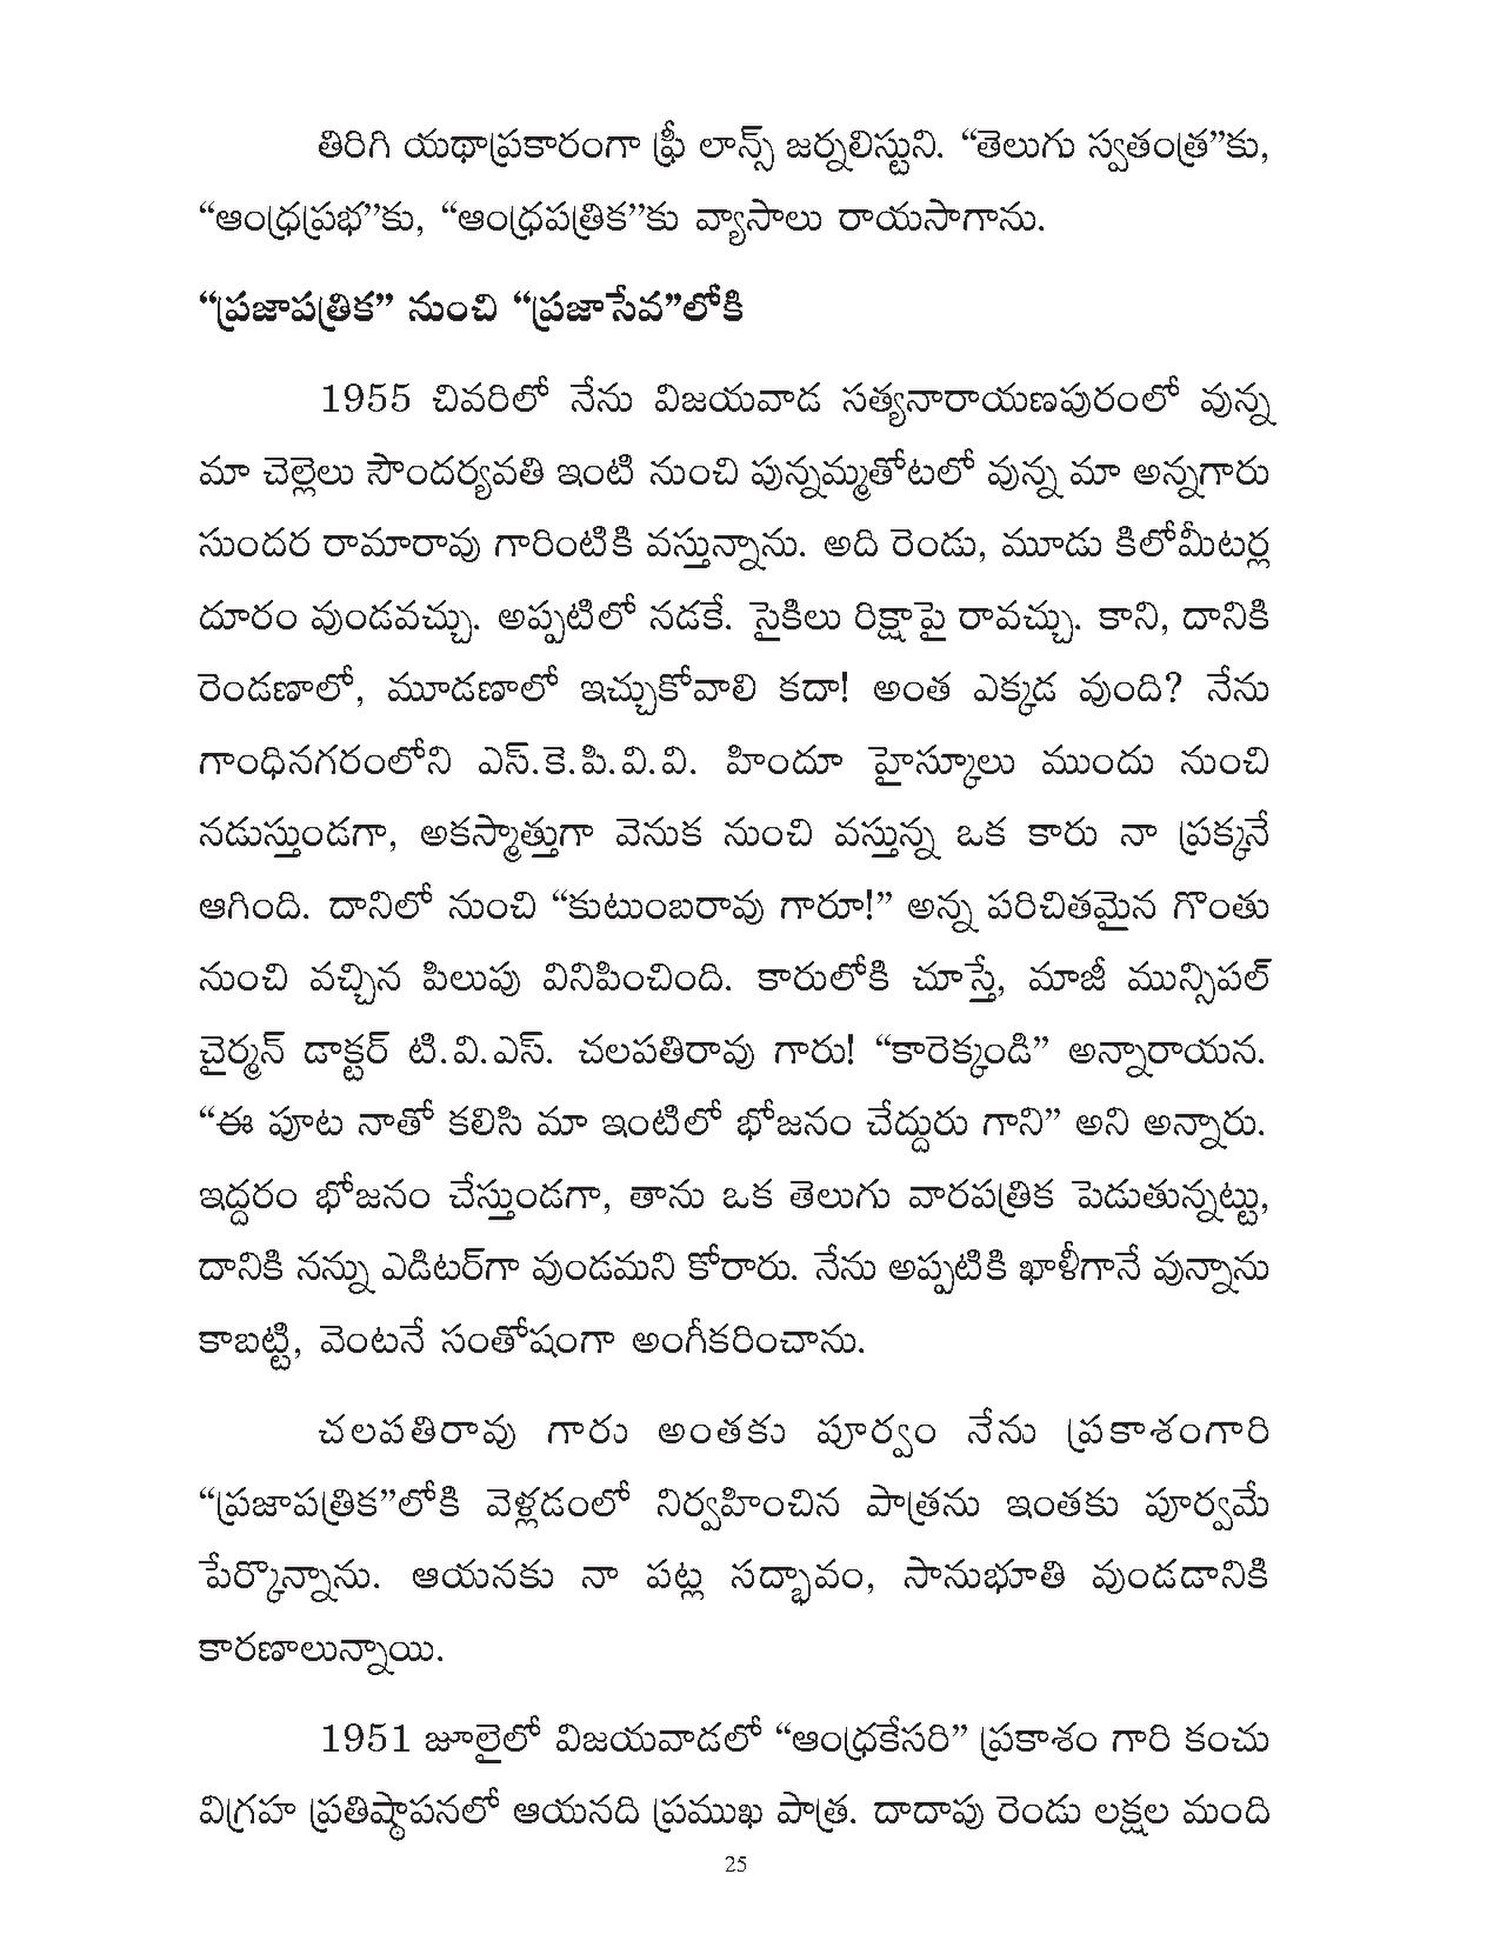తిరిగి యథాప్రకారంగా ఫ్రీ లాన్స్ జర్నలిస్టుని. "తెలుగు స్వతంత్ర"కు,
"ఆంధ్రప్రభ"కు, "ఆంధ్రపత్రిక"కు వ్యాసాలు రాయసాగాను.

"ప్రజాపత్రిక" నుంచి "ప్రజాసేవ"లోకి
1955 చివరిలో నేను విజయవాడ సత్యనారాయణపురంలో వున్న
మా చెల్లెలు సౌందర్యవతి ఇంటి నుంచి పున్నమ్మతోటలో వున్న మా అన్నగారు
సుందర రామారావు గారింటికి వస్తున్నాను. అది రెండు, మూడు కిలోమీటర్ల
దూరం వుండవచ్చు. అప్పటిలో నడకే. సైకిలు రిక్షాపై రావచ్చు. కాని, దానికి
రెండణాలో, మూడణాలో ఇచ్చుకోవాలి కదా! అంత ఎక్కడ వుంది? నేను
గాంధినగరంలోని ఎస్‌.కె.పి.వి.వి. హిందూ హైస్కూలు ముందు నుంచి
నడుస్తుండగా, అకస్మాత్తుగా వెనుక నుంచి వస్తున్న ఒక కారు నా ప్రక్కనే
ఆగింది. దానిలో నుంచి "కుటుంబరావు గారూ!" అన్న పరిచితమైన గొంతు
నుంచి వచ్చిన పిలుపు వినిపించింది. కారులోకి చూస్తే, మాజీ మున్సిపల్‌
చైర్మన్‌ డాక్టర్ టి.వి.ఎస్‌. చలపతిరావు గారు! "కారెక్కండి" అన్నారాయన.
"ఈ పూట నాతో కలిసి మా ఇంటిలో భోజనం చేద్దురు గాని" అని అన్నారు.
ఇద్దరం భోజనం చేస్తుండగా, తాను ఒక తెలుగు వారపత్రిక పెడుతున్నట్టు,
దానికి నన్ను ఎడిటర్‌గా వుండమని కోరారు. నేను అప్పటికి ఖాళీగానే వున్నాను
కాబట్టి, వెంటనే సంతోషంగా అంగీకరించాను.

చలపతిరావు గారు అంతకు పూర్వం నేను ప్రకాశంగారి
"ప్రజాపత్రిక"లోకి వెళ్లడంలో నిర్వహించిన పాత్రను ఇంతకు పూర్వమే
పేర్కొన్నాను. ఆయనకు నా పట్ల సద్భావం, సానుభూతి వుండానికి
కారణాలున్నాయి.

1951 జూలైలో విజయవాడలో "ఆంధ్రకేసరి" ప్రకాశం గారి కంచు
విగ్రహ ప్రతిష్ఠాపనలో ఆయనది ప్రముఖ పాత్ర. దాదాపు రెండు లక్షల మంది